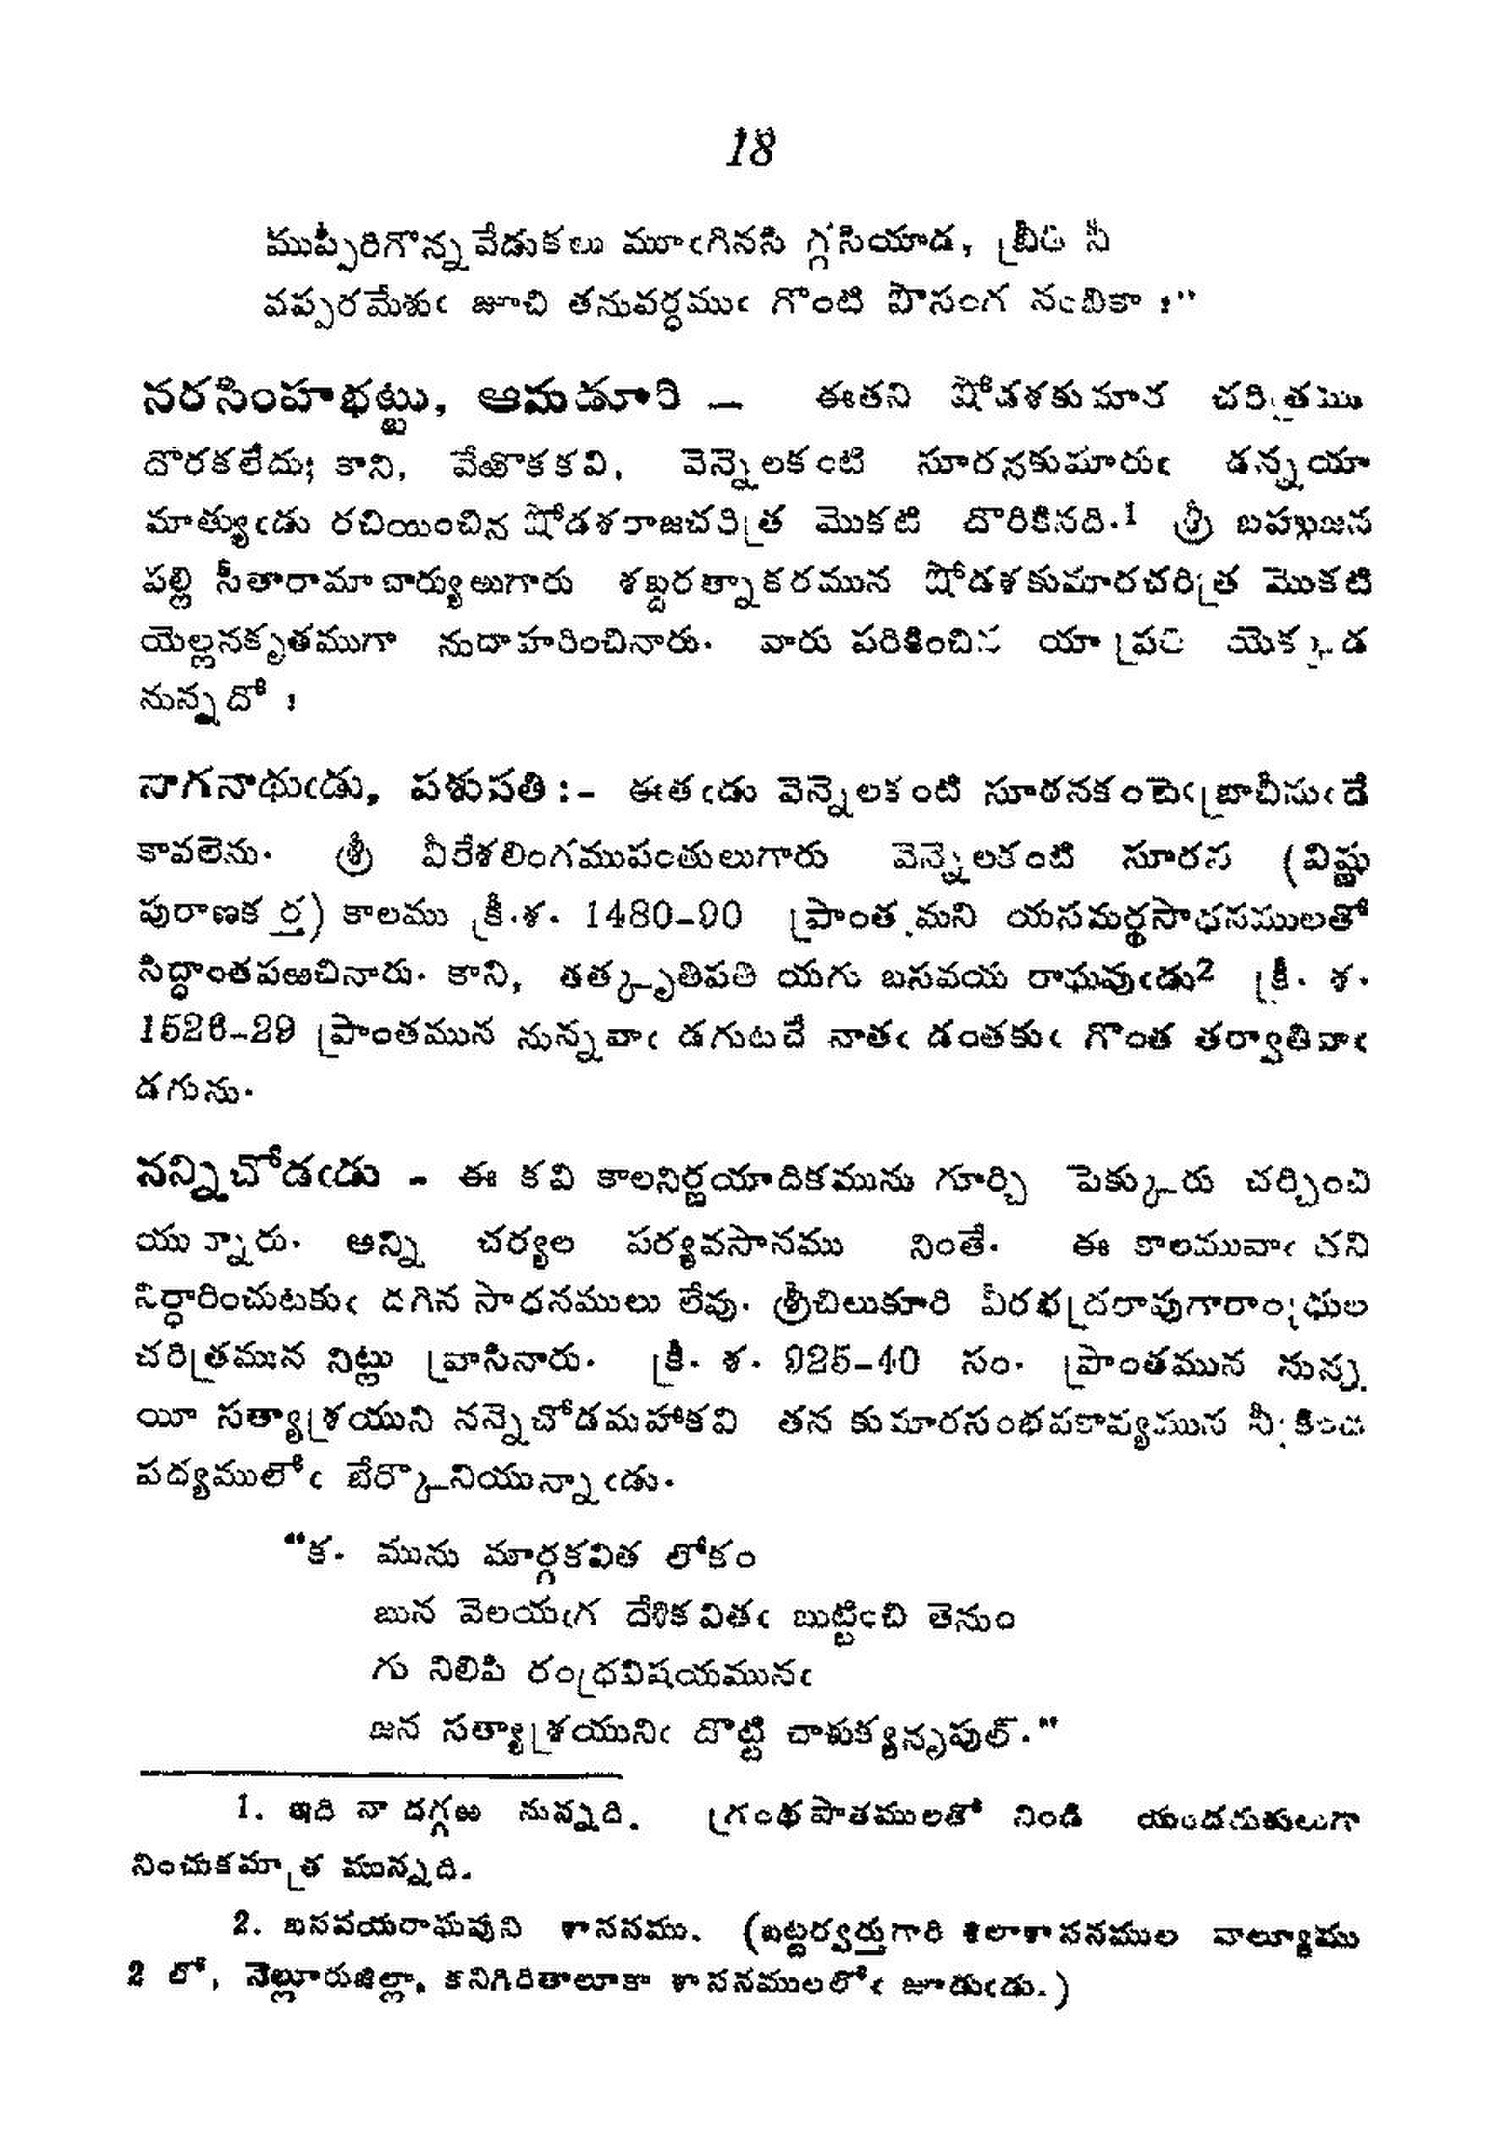ముప్పిరిగొన్న వేడుకలు మూఁగినసిగ్గ'సియాడ, బ్రీతి నీ
వప్పరమేశుఁ జూచి తనువర్ధముఁ గోంటి పొసంగ నంబికా ! "

నరసింహభట్టు, ఆమడూరి
ఈతని షోడశకుమార చరిత్రముదొరకలేదు; కాని, వేఱొక కవి, వెన్నెలకంటి సూరనకుమారుఁ డన్నయామాత్యుఁడు రచియించిన షోడశ రాజచరిత్ర మొకటి దొరికినది.. శ్రీ బహుజనపల్లి సీతారామా చార్యు లుగారు శబ్దరత్నాకరమున షోడశకుమార చరిత్ర మొకటియెల్లనకృతముగా నుదాహరించినారు. వారు పరికించి.. యాప్రం యెక్కడ
నున్నదో !

నాగనాథుఁడు, పశుపతి :- ఈతఁడు వెన్నెలకంటి సూరనకంటెఁ బ్రాచీనుఁడే
కావలెను. శ్రీ వీరేశ లింగముపంతులుగారు వెన్నెలకంటి సూరన (విష్ణు
పురాణకర్త) కాలము క్రీ.శ. 1480-90 ప్రాంత మని యసమర్థ సాధనములతో
సిద్ధాంతపఱచినారు. కాని, తత్కృతిపతి యగు బసవయ రాఘవుఁడు2 క్రీ. శ.
1628. 29 ప్రాంతమున నున్న వాఁ డగుటచే నాతఁ డంతకుఁ గొంత తర్వాతి వాక
డగును.

నన్నిచోడఁడు
ఈ కవి కాలనిర్ణయాదికమును గూర్చి పెక్కురు చర్చించి యున్నారు. అన్ని చర్యల పర్యవసానము నింతే. ఈ కాలమువారని సిర్ధారించుటకుఁ దగిన సాధనములు లేవు. శ్రీచిలుకూరి వీరభద్రరావుగారాంధ్రుల చరిత్రమున నిట్లు వ్రాసినారు. క్రీ. శ. 925-40 సం, ప్రాంతమున నున్న యీ సత్యాశ్రయుని నన్నెచోడమహాకవి తన కుమారసంభపకావ్యమున నీక్రింది పద్యములోఁ బేర్కొనియున్నాఁడు.

“క. మును మార్గకవిత లోకం
బున వెలయగ దేశిక వితఁ బుట్టించి తెనుం
గు నిలిపి రంధ్రవిషయమున
జన సత్యాశ్రయునిఁ దొట్టి చాళుక్యనృపుల్."

1.
2.